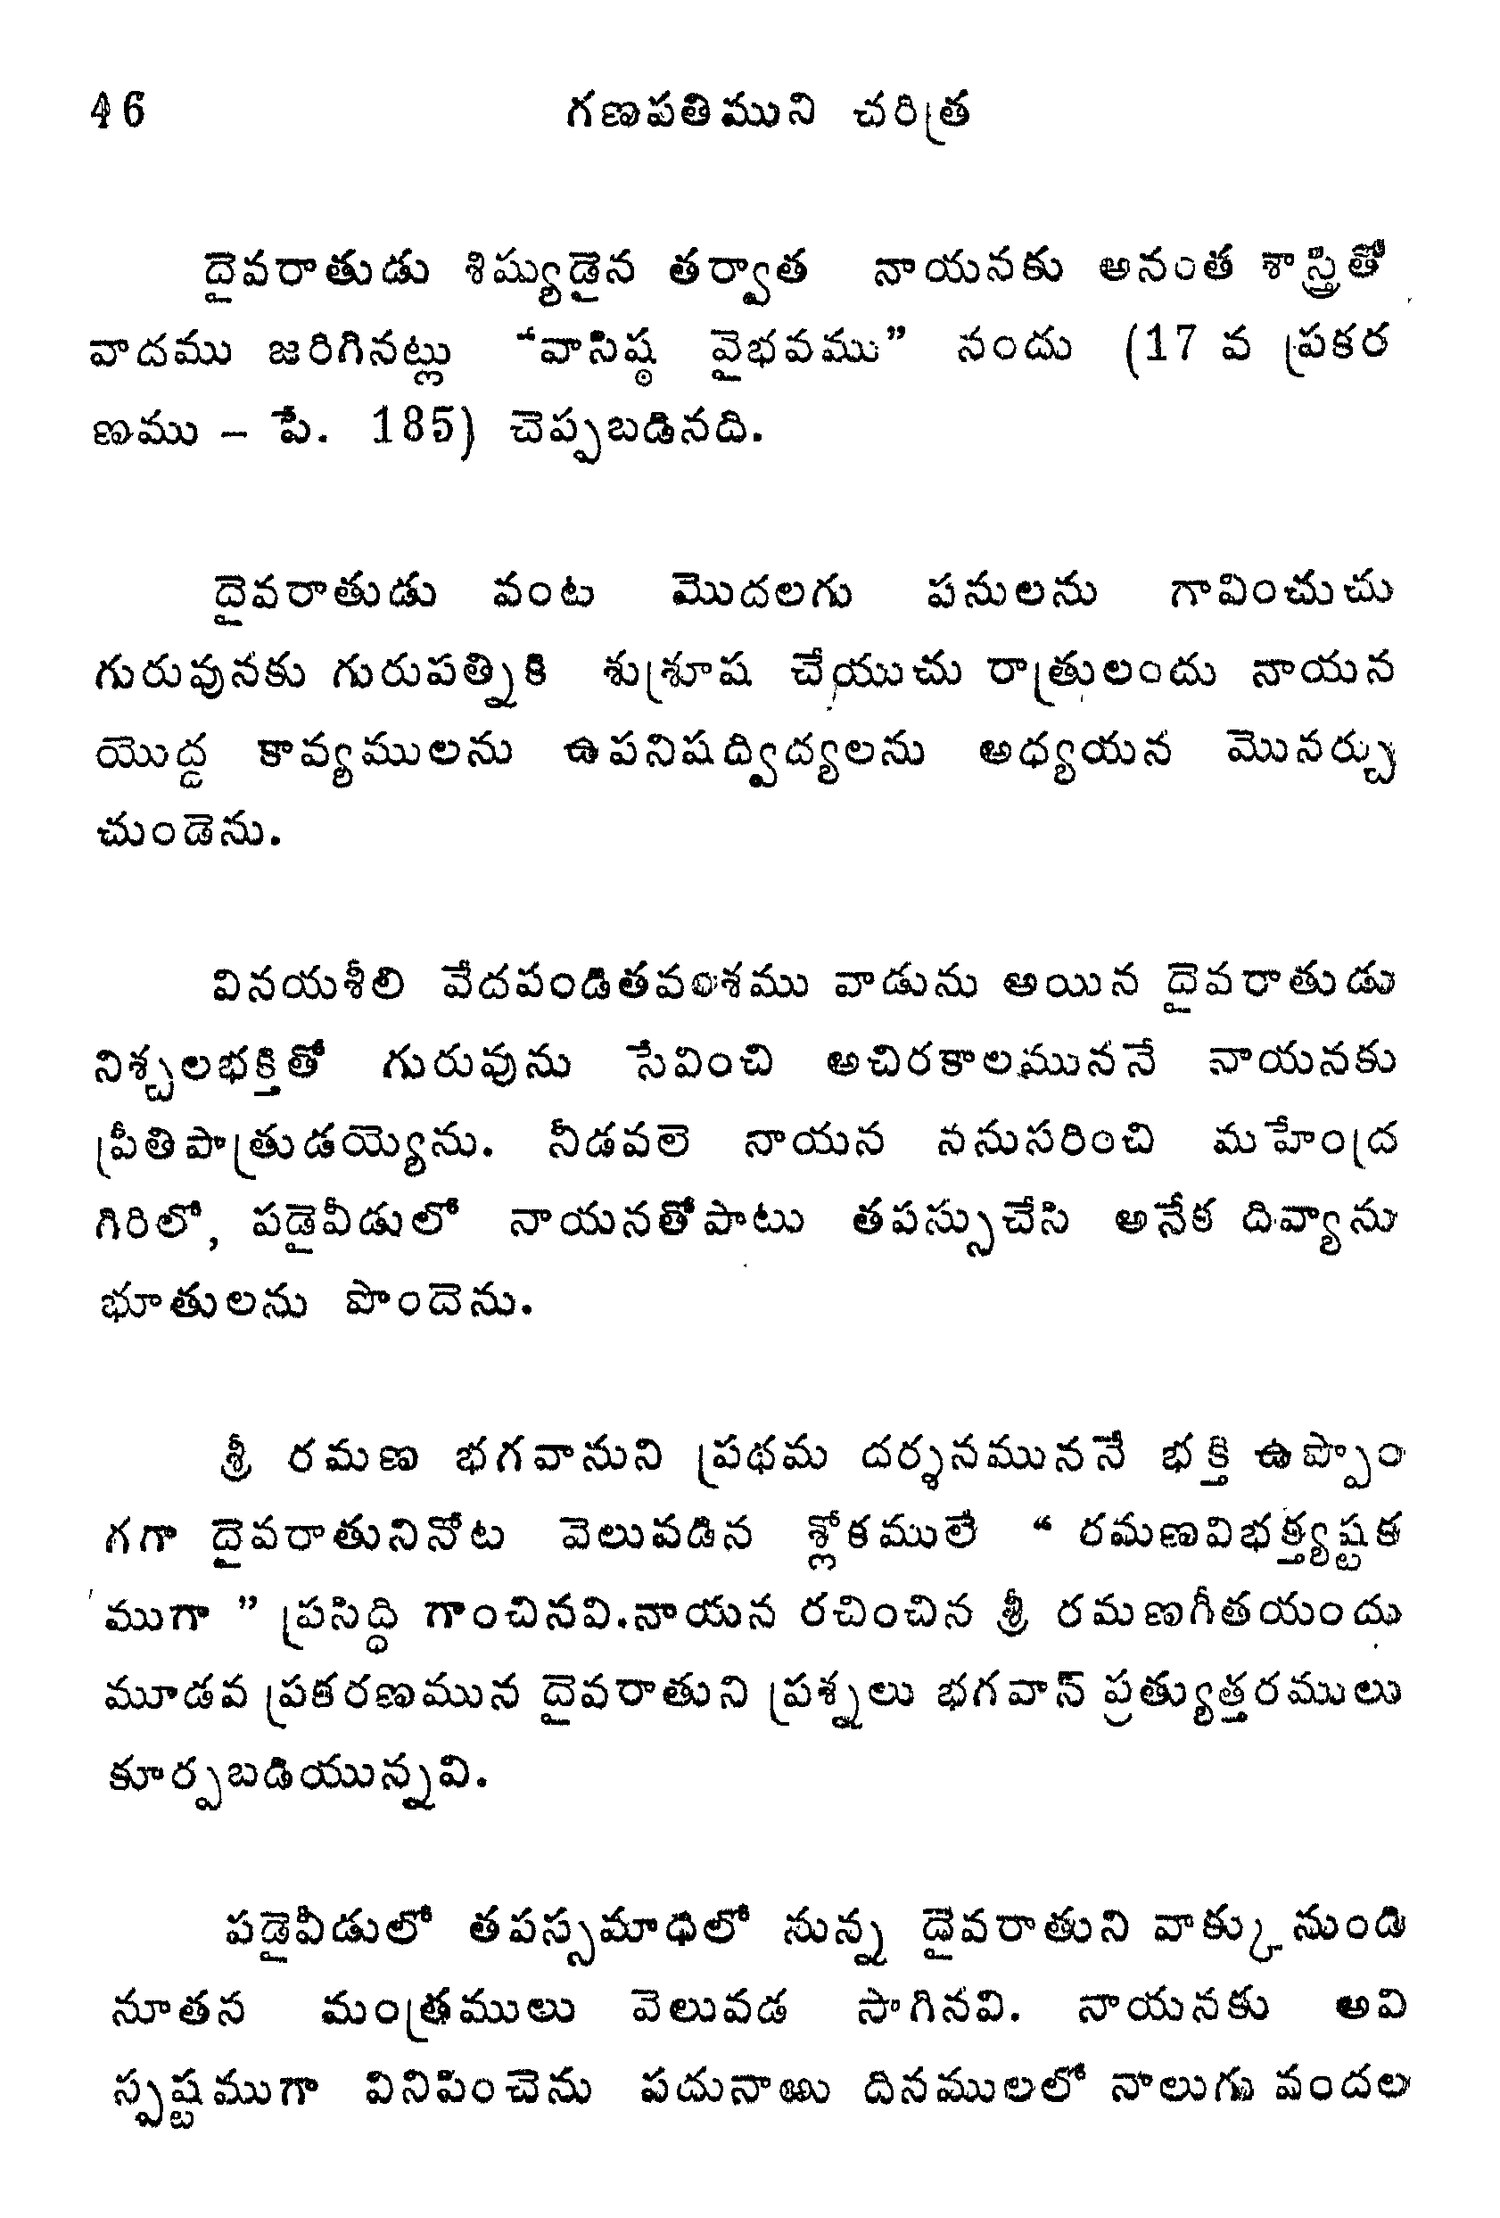దైవరాతుడు శిష్యుడైన తర్వాత నాయనకు అనంత శాస్త్రితో వాదము జరిగినట్లు "వాసిష్ఠ వైభవము" నందు (17 వ ప్రకరణము - పే. 185) చెప్పబడినది.

దైవరాతుడు వంట మొదలగు పనులను గావించుచు గురువునకు గురుపత్నికి శుశ్రూష చేయుచు రాత్రులందు నాయన యొద్ద కావ్యములను ఉపనిషద్విద్యలను అధ్యయన మొనర్చు చుండెను.

వినయశీలి వేదపండితవంశము వాడును అయిన దైవరాతుడు నిశ్చలభక్తితో గురువును సేవించి అచిరకాలముననే నాయనకు ప్రీతిపాత్రుడయ్యెను. నీడవలె నాయన ననుసరించి మహేంద్రగిరిలో, పడైవీడులో నాయనతోపాటు తపస్సుచేసి అనేక దివ్యాను భూతులను పొందెను.

శ్రీ రమణ భగవానుని ప్రథమ దర్శనముననే భక్తి ఉప్పొంగగా దైవరాతునినోట వెలువడిన శ్లోకములే "రమణవిభక్త్యష్టకముగా" ప్రసిద్ధి గాంచినవి. నాయన రచించిన శ్రీ రమణగీతయందు మూడవ ప్రకరణమున దైవరాతుని ప్రశ్నలు భగవాన్ ప్రత్యుత్తరములు కూర్పబడియున్నవి.

పడైవీడులో తపస్సమాధిలో నున్న దైవరాతుని వాక్కు నుండి నూతన మంత్రములు వెలువడ సాగినవి. నాయనకు అవి స్పష్టముగా వినిపించెను. పదునాఱు దినములలో నాలుగు వందల